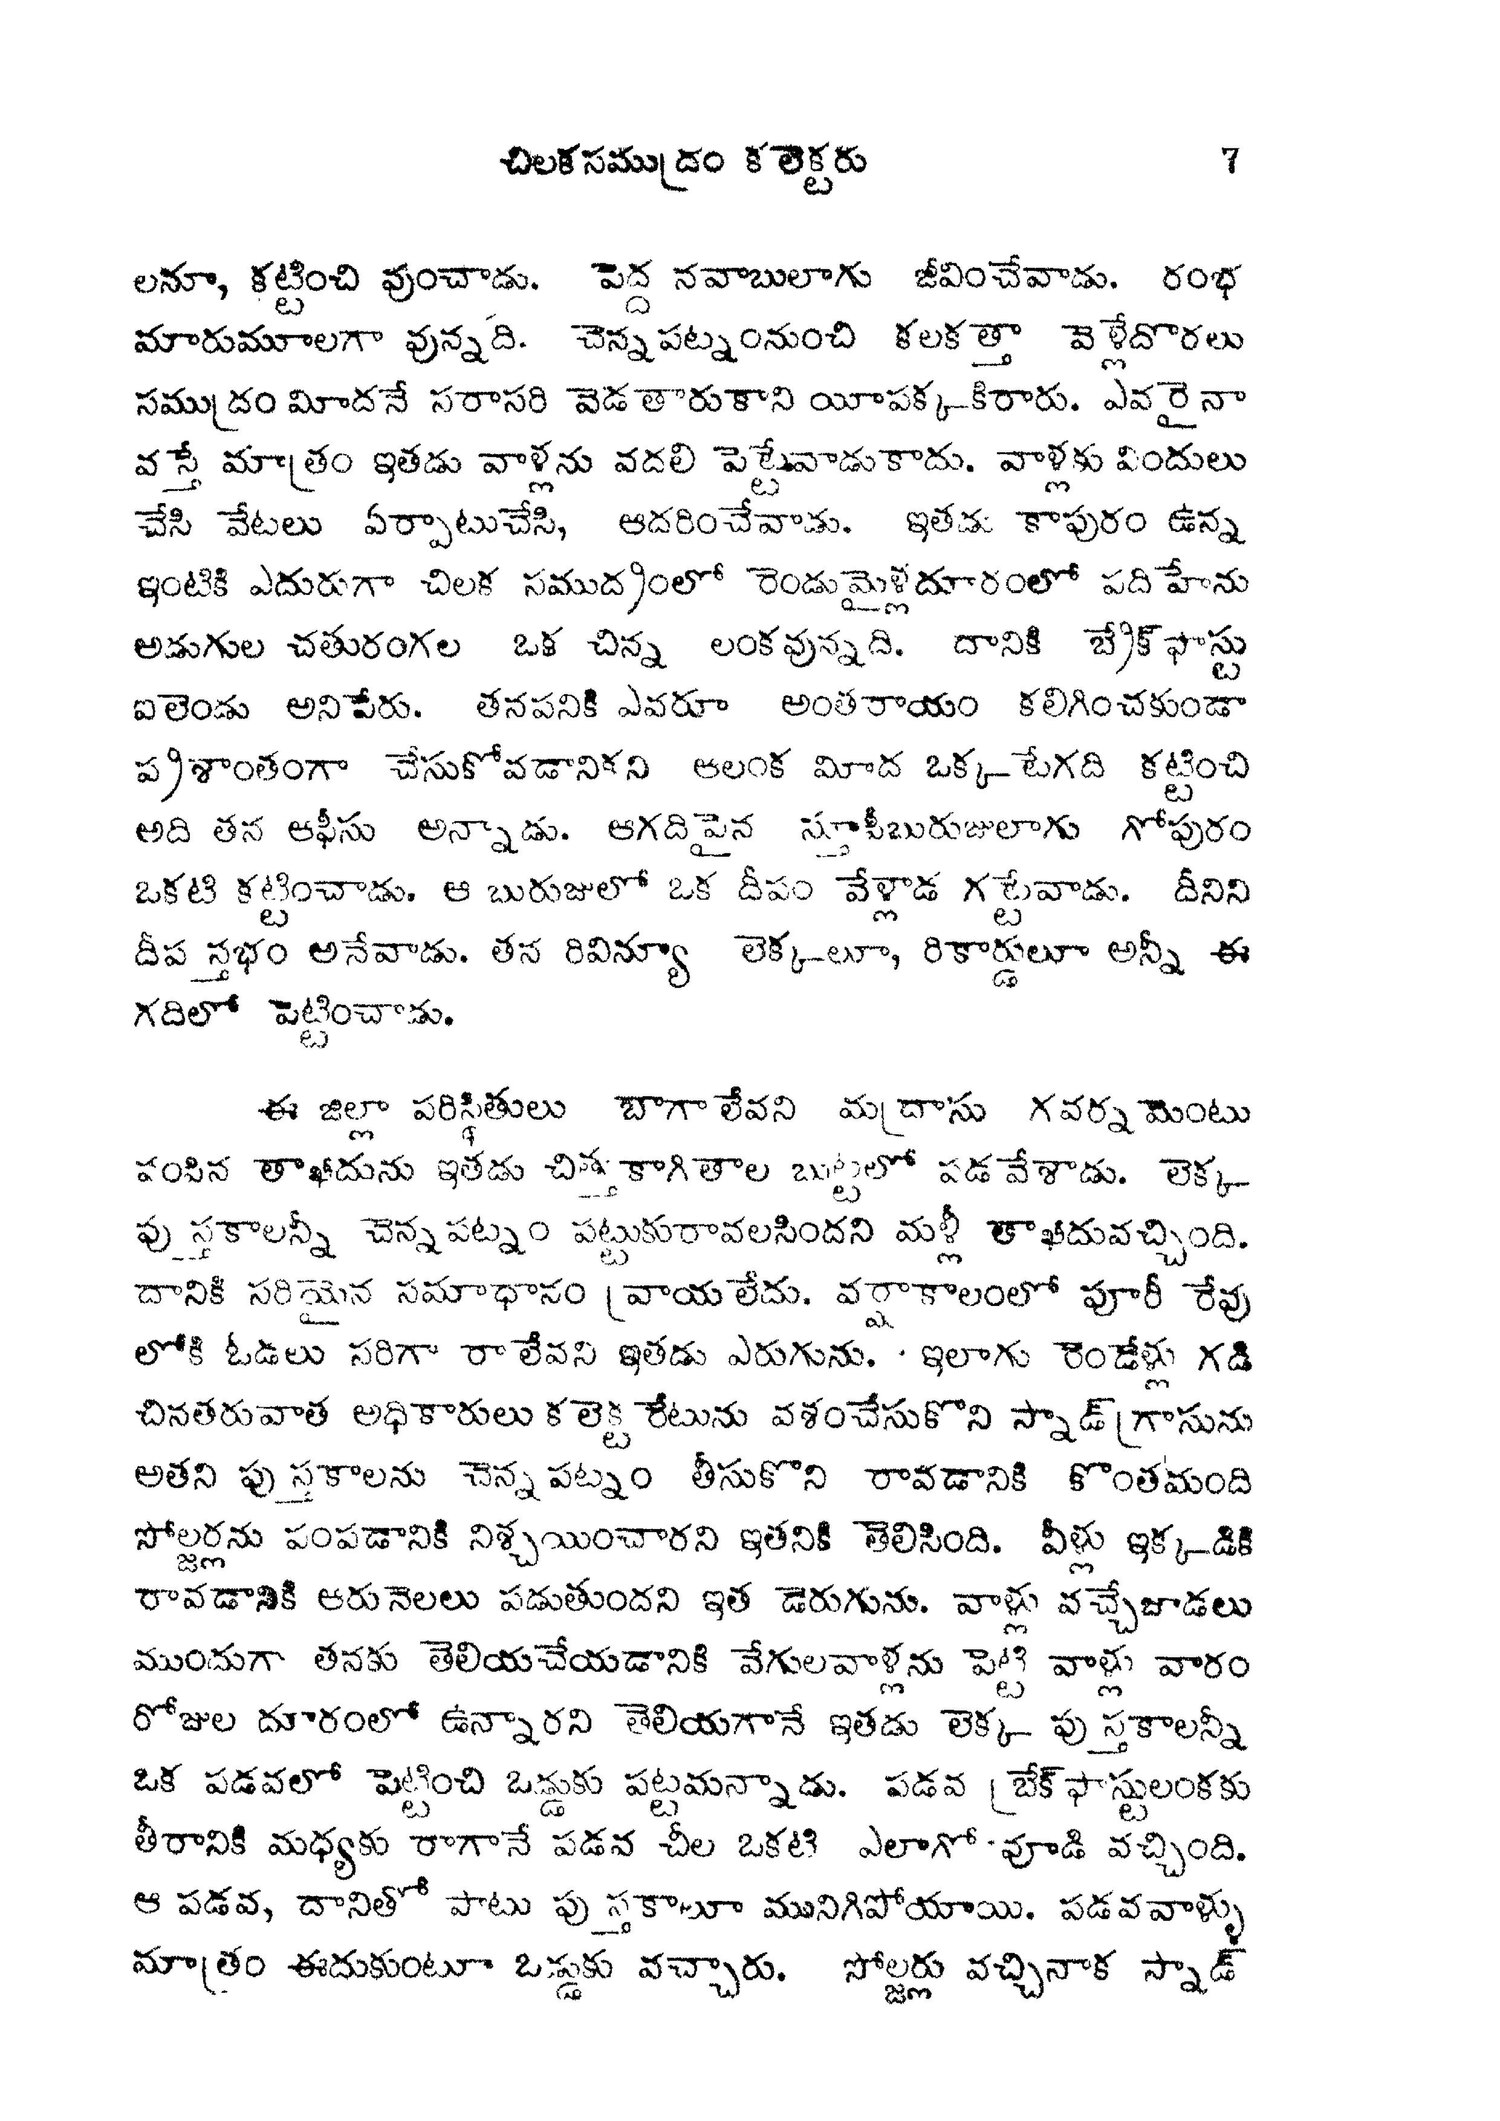లనూ, కట్టించి వుంచారు. పెద్ద నవాబులాగు జీవించెవాడు. రంభ మారుమూలగా వున్నది. చెన్నపట్నంనుంచి కలకత్తా వెళ్లేదొరలు సముద్రంమీదనే సరాసరి వెడతారుకాని యీపక్కకిరారు. ఎవరైనా వస్తే మాత్రం ఇతడు వాళ్లని వదలి పెట్టేవాడుకాదు. వాళ్లకు విందులు చేసి వేటలు ఏర్పాటుచేసి, ఆదరించేవాడు. ఇతడు కాపురం ఉన్న ఇంటికి ఎదురుగా చిలక సంద్రంలో రెందుమైళ్లదూరంలో పదిహేను అడుగుల చతురంగల ఒక చిన్న లంకవున్నది. దానికి బ్రేక్ ఫాస్టు ఐలెండు అనిపేరు. తనపనికి ఎవరూ అంతరాయం కలిగించకుండా ప్రశాంతంగా చేసుకోవడానికని ఆలంక మీద ఒక్కటేగది కట్టించి అది తన ఆఫీసు అన్నాడు. ఆగదిపైన స్తూపీబురుజులాగు గోపురం ఒకటి కట్టించాడు. ఆ బురుజులో ఒక దీపం వేళ్లాడ గట్టేవాడు. దీనిని దీపస్తంభం అనేవాడు. తన రివిన్యూ లెక్కలూ, రికార్డులూ అన్నీ ఈ గదిలో పెట్టించాడు.

ఈ జిల్లా పరిస్థితులు బాగాలేవని మద్రాసు గవర్నమెంటు పంపిన తాఖీదును ఇతడు చిత్తుకాగితాల బుట్టలో పడవేశాడు. లెక్క పుస్తకాలన్నీ చెన్నపట్నం పట్టుకురావలసిందని మళ్లీ తాఖీదువచ్చింది. దానికి సరియైన సమాధానం వ్రాయలేదు. వర్షాకాలంలో పూరీ రేవులోకి ఓడలు సరిగా రాలేవని ఇతడు ఎరుగును. ఇలాగు రెండేళ్లు గడిసిన తరువాత అధికారులు కలెక్టరేటును వశంచేసుకుని స్నాడ్ గ్రాసును అతని పుస్తకాలను చెన్నపట్నం తీసుకొని రావడానికి కొంతమంది సోల్జర్లను పంపడానికి నిశ్చయించారని ఇతనికి తెలిసింది. వీళ్లు ఇక్కడికి రావడానికి తనకు తెలియ చేయడానికి వేగులవాళ్లను పెట్టి వాళ్లు వారం రోజుల దూరంలో ఉన్నారని తెలియగానే ఇతడు లెక్క పుస్తకాలన్నీ ఒక పడవలో పెట్టించి ఒడ్దుకు పట్టమన్నాడు. పడవ బ్రేక్ ఫాస్టులంకకు తీరానికి మధ్యకు రాగానే పడవ చీల ఒకటి ఎలాగో వూడి వచ్చింది. ఆ పడవ, దానితో పాటు పుస్తకాలూ మునిగిపోయాయి. పడవవాళ్ళు మాత్రం ఈదుకుంటూ ఒడ్దుకు వచ్చారు. సోల్జర్లు వచ్చినాక స్నాడ్